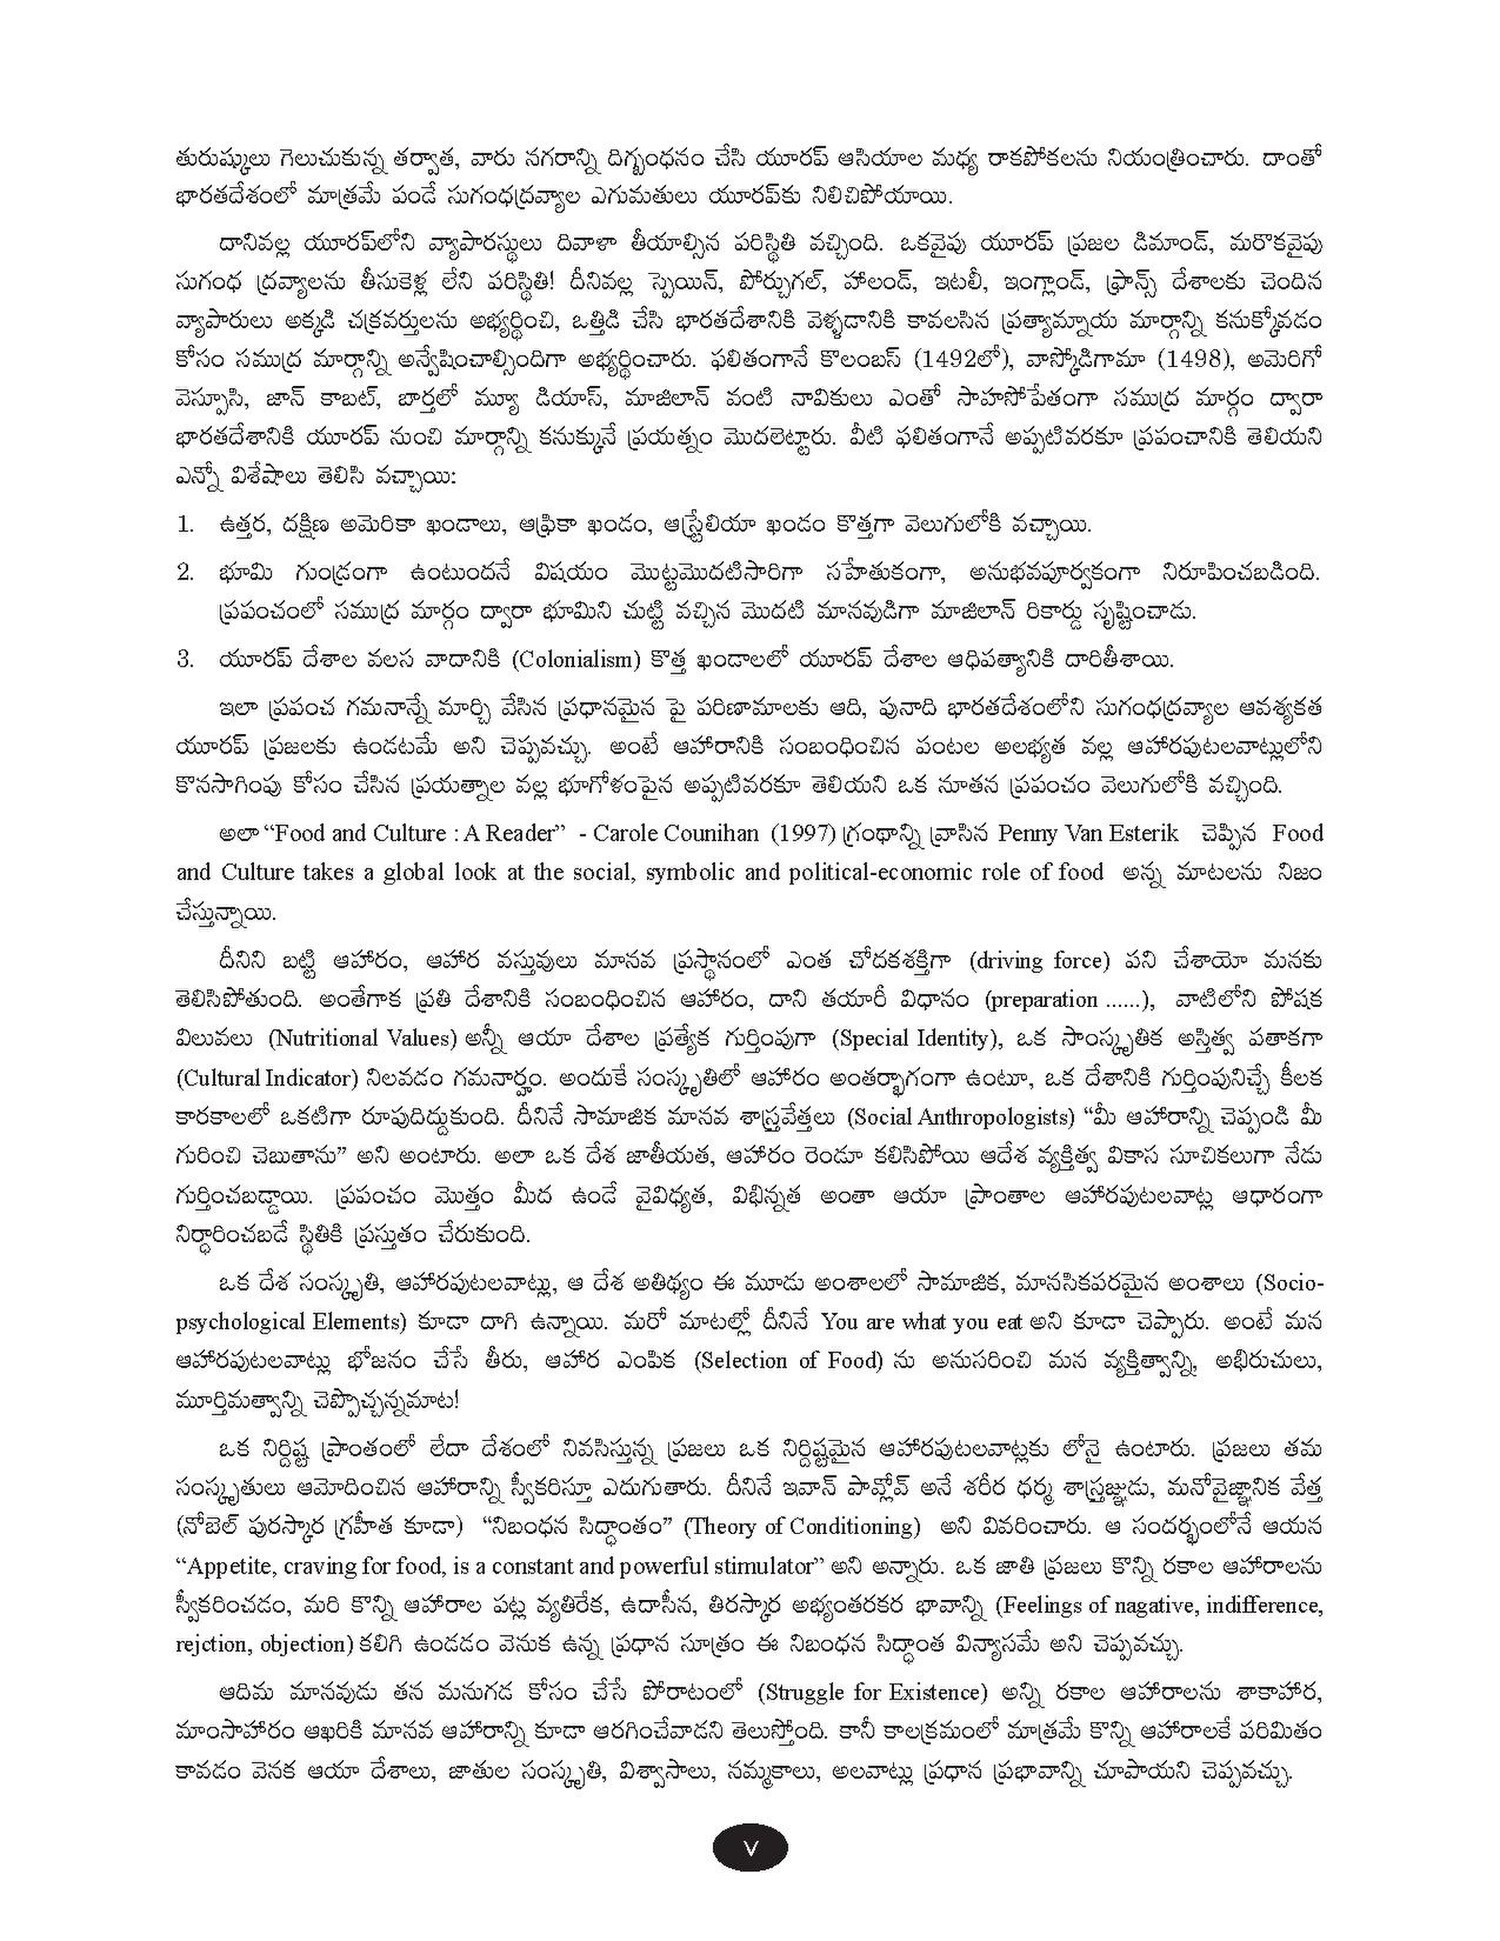తురుష్కులు గెలుచుకున్న తర్వాత, వారు నగరాన్ని దిగ్బంధనం చేసి యూరప్ ఆసియాల మధ్య రాకపోకలను నియంత్రించారు. దాంతో భారతదేశంలో మాత్రమే పండే సుగంధద్రవ్యాల ఎగుమతులు యూరప్ కు నిలిచిపోయాయి.

దానివల్ల యూరప్ లోని వ్యాపారస్థులు దివాళా తీయాల్సిన పరిస్థితి వచ్చింది. ఒకవైపు యూరప్ ప్రజల డిమాండ్, మరొకవైపు సుగంధ ద్రవ్యాలను తీసుకెళ్ల లేని పరిస్థితి! దీనివల్ల స్పెయిన్, పోర్చుగల్, హాలండ్, ఇటలీ, ఇంగ్లాండ్, ఫ్రాన్స్ దేశాలకు చెందిన వ్యాపారులు అక్కడి చక్రవర్తులను అభ్యర్థించి, ఒత్తిడి చేసి భారతదేశానికి వెళ్ళడానికి కావలసిన ప్రత్యామ్నాయ మార్గాన్ని కనుక్కోవడం కోసం సముద్ర మార్గాన్ని అన్వేషించాల్సిందిగా అభ్యర్థించారు. ఫలితంగానే కొలంబస్ (1492లో), వాస్కోడిగామా (1498), అమెరిగో వెస్పూసి, జాన్ కాబట్, బార్తలో మ్యూ డియాస్, మాజిలాన్ వంటి నావికులు ఎంతో సాహసోపేతంగా సముద్ర మార్గం ద్వారా భారతదేశానికి యూరప్ నుంచి మార్గాన్ని కనుక్కునే ప్రయత్నం మొదలెట్టారు. వీటి ఫలితంగానే అప్పటివరకూ ప్రపంచానికి తెలియని ఎన్నో విశేషాలు తెలిసి వచ్చాయి:

1. ఉత్తర, దక్షిణ అమెరికా ఖండాలు, ఆఫ్రికా ఖండం, ఆస్ట్రేలియా ఖండం కొత్తగా వెలుగులోకి వచ్చాయి.

2. భూమి గుండ్రంగా ఉంటుందనే విషయం మొట్టమొదటిసారిగా సహేతుకంగా, అనుభవపూర్వకంగా నిరూపించబడింది.
ప్రపంచంలో సముద్ర మార్గం ద్వారా భూమిని చుట్టి వచ్చిన మొదటి మానవుడిగా మాజిలాన్ రికార్డు సృష్టించాడు.

3. యూరప్ దేశాల వలస వాదానికి (Colonialism) కొత్త ఖండాలలో యూరప్ దేశాల ఆధిపత్యానికి దారితీశాయి.

ఇలా ప్రపంచ గమనాన్నే మార్చి వేసిన ప్రధానమైన పై పరిణామాలకు ఆది, పునాది భారతదేశంలోని సుగంధద్రవ్యాల ఆవశ్యకత యూరప్ ప్రజలకు ఉండటమే అని చెప్పవచ్చు. అంటే ఆహారానికి సంబంధించిన పంటల అలభ్యత వల్ల ఆహారపుటలవాట్లులోని కొనసాగింపు కోసం చేసిన ప్రయత్నాల వల్ల భూగోళంపైన అప్పటివరకూ తెలియని ఒక నూతన ప్రపంచం వెలుగులోకి వచ్చింది.

అలా "Food and Culture : A Reader" Carole Counihan (1997) గ్రంథాన్ని వ్రాసిన Penny Van Esterik చెప్పిన Food and Culture takes a global look at the social, symbolic and political-economic role of food అన్న మాటలను నిజం చేస్తున్నాయి.

దీనిని బట్టి ఆహారం, ఆహార వస్తువులు మానవ ప్రస్థానంలో ఎంత చోదకశక్తిగా (driving force) పని చేశాయో మనకు
తెలిసిపోతుంది. అంతేగాక ప్రతి దేశానికి సంబంధించిన ఆహారం, దాని తయారీ విధానం (preparation......), వాటిలోని పోషక విలువలు (Nutritional Values) అన్నీ ఆయా దేశాల ప్రత్యేక గుర్తింపుగా (Special Identity), ఒక సాంస్కృతిక అస్తిత్వ పతాకగా (Cultural Indicator) నిలవడం గమనార్హం. అందుకే సంస్కృతిలో ఆహారం అంతర్భాగంగా ఉంటూ, ఒక దేశానికి గుర్తింపునిచ్చే కీలక కారకాలలో ఒకటిగా రూపుదిద్దుకుంది. దీనినే సామాజిక మానవ శాస్త్రవేత్తలు (Social Anthropologists) "మీ ఆహారాన్ని చెప్పండి మీ గురించి చెబుతాను" అని అంటారు. అలా ఒక దేశ జాతీయత, ఆహారం రెండూ కలిసిపోయి ఆదేశ వ్యక్తిత్వ వికాస సూచికలుగా నేడు గుర్తించబడ్డాయి. ప్రపంచం మొత్తం మీద ఉండే వైవిధ్యత, విభిన్నత అంతా ఆయా ప్రాంతాల ఆహారపుటలవాట్ల ఆధారంగా నిర్ధారించబడే స్థితికి ప్రస్తుతం చేరుకుంది.

ఒక దేశ సంస్కృతి, ఆహారపుటలవాట్లు, ఆ దేశ అతిథ్యం ఈ మూడు అంశాలలో సామాజిక, మానసికపరమైన అంశాలు (Socio-psychological Elements) కూడా దాగి ఉన్నాయి. మరో మాటల్లో దీనినే You are what you eat అని కూడా చెప్పారు. అంటే మన ఆహారపుటలవాట్లు భోజనం చేసే తీరు, ఆహార ఎంపిక (Selection of Food) ను అనుసరించి మన వ్యక్తిత్వాన్ని, అభిరుచులు, మూర్తిమత్వాన్ని చెప్పొచ్చన్నమాట!

ఒక నిర్దిష్ట ప్రాంతంలో లేదా దేశంలో నివసిస్తున్న ప్రజలు ఒక నిర్దిష్టమైన ఆహారపుటలవాట్లకు లోనై ఉంటారు. ప్రజలు తమ సంస్కృతులు ఆమోదించిన ఆహారాన్ని స్వీకరిస్తూ ఎదుగుతారు. దీనినే ఇవాన్ పావ్లోవ్ అనే శరీర ధర్మ శాస్త్రజ్ఞుడు, మనోవైజ్ఞానిక వేత్త (నోబెల్ పురస్కార గ్రహీత కూడా) "నిబంధన సిద్ధాంతం" (Theory of Conditioning) అని వివరించారు. ఆ సందర్భంలోనే ఆయన “Appetite, craving for food, is a constant and powerful stimulator" అని అన్నారు. ఒక జాతి ప్రజలు కొన్ని రకాల ఆహారాలను స్వీకరించడం, మరి కొన్ని ఆహారాల పట్ల వ్యతిరేక, ఉదాసీన, తిరస్కార అభ్యంతరకర భావాన్ని (Feelings of nagative, indifference, rejection, objection) కలిగి ఉండడం వెనుక ఉన్న ప్రధాన సూత్రం ఈ నిబంధన సిద్ధాంత విన్యాసమే అని చెప్పవచ్చు.

ఆదిమ మానవుడు తన మనుగడ కోసం చేసే పోరాటంలో (Struggle for Existence) అన్ని రకాల ఆహారాలను శాకాహార, మాంసాహారం ఆఖరికి మానవ ఆహారాన్ని కూడా ఆరగించేవాడని తెలుస్తోంది. కానీ కాలక్రమంలో మాత్రమే కొన్ని ఆహారాలకే పరిమితం కావడం వెనక ఆయా దేశాలు, జాతుల సంస్కృతి, విశ్వాసాలు, నమ్మకాలు, అలవాట్లు ప్రధాన ప్రభావాన్ని చూపాయని చెప్పవచ్చు.